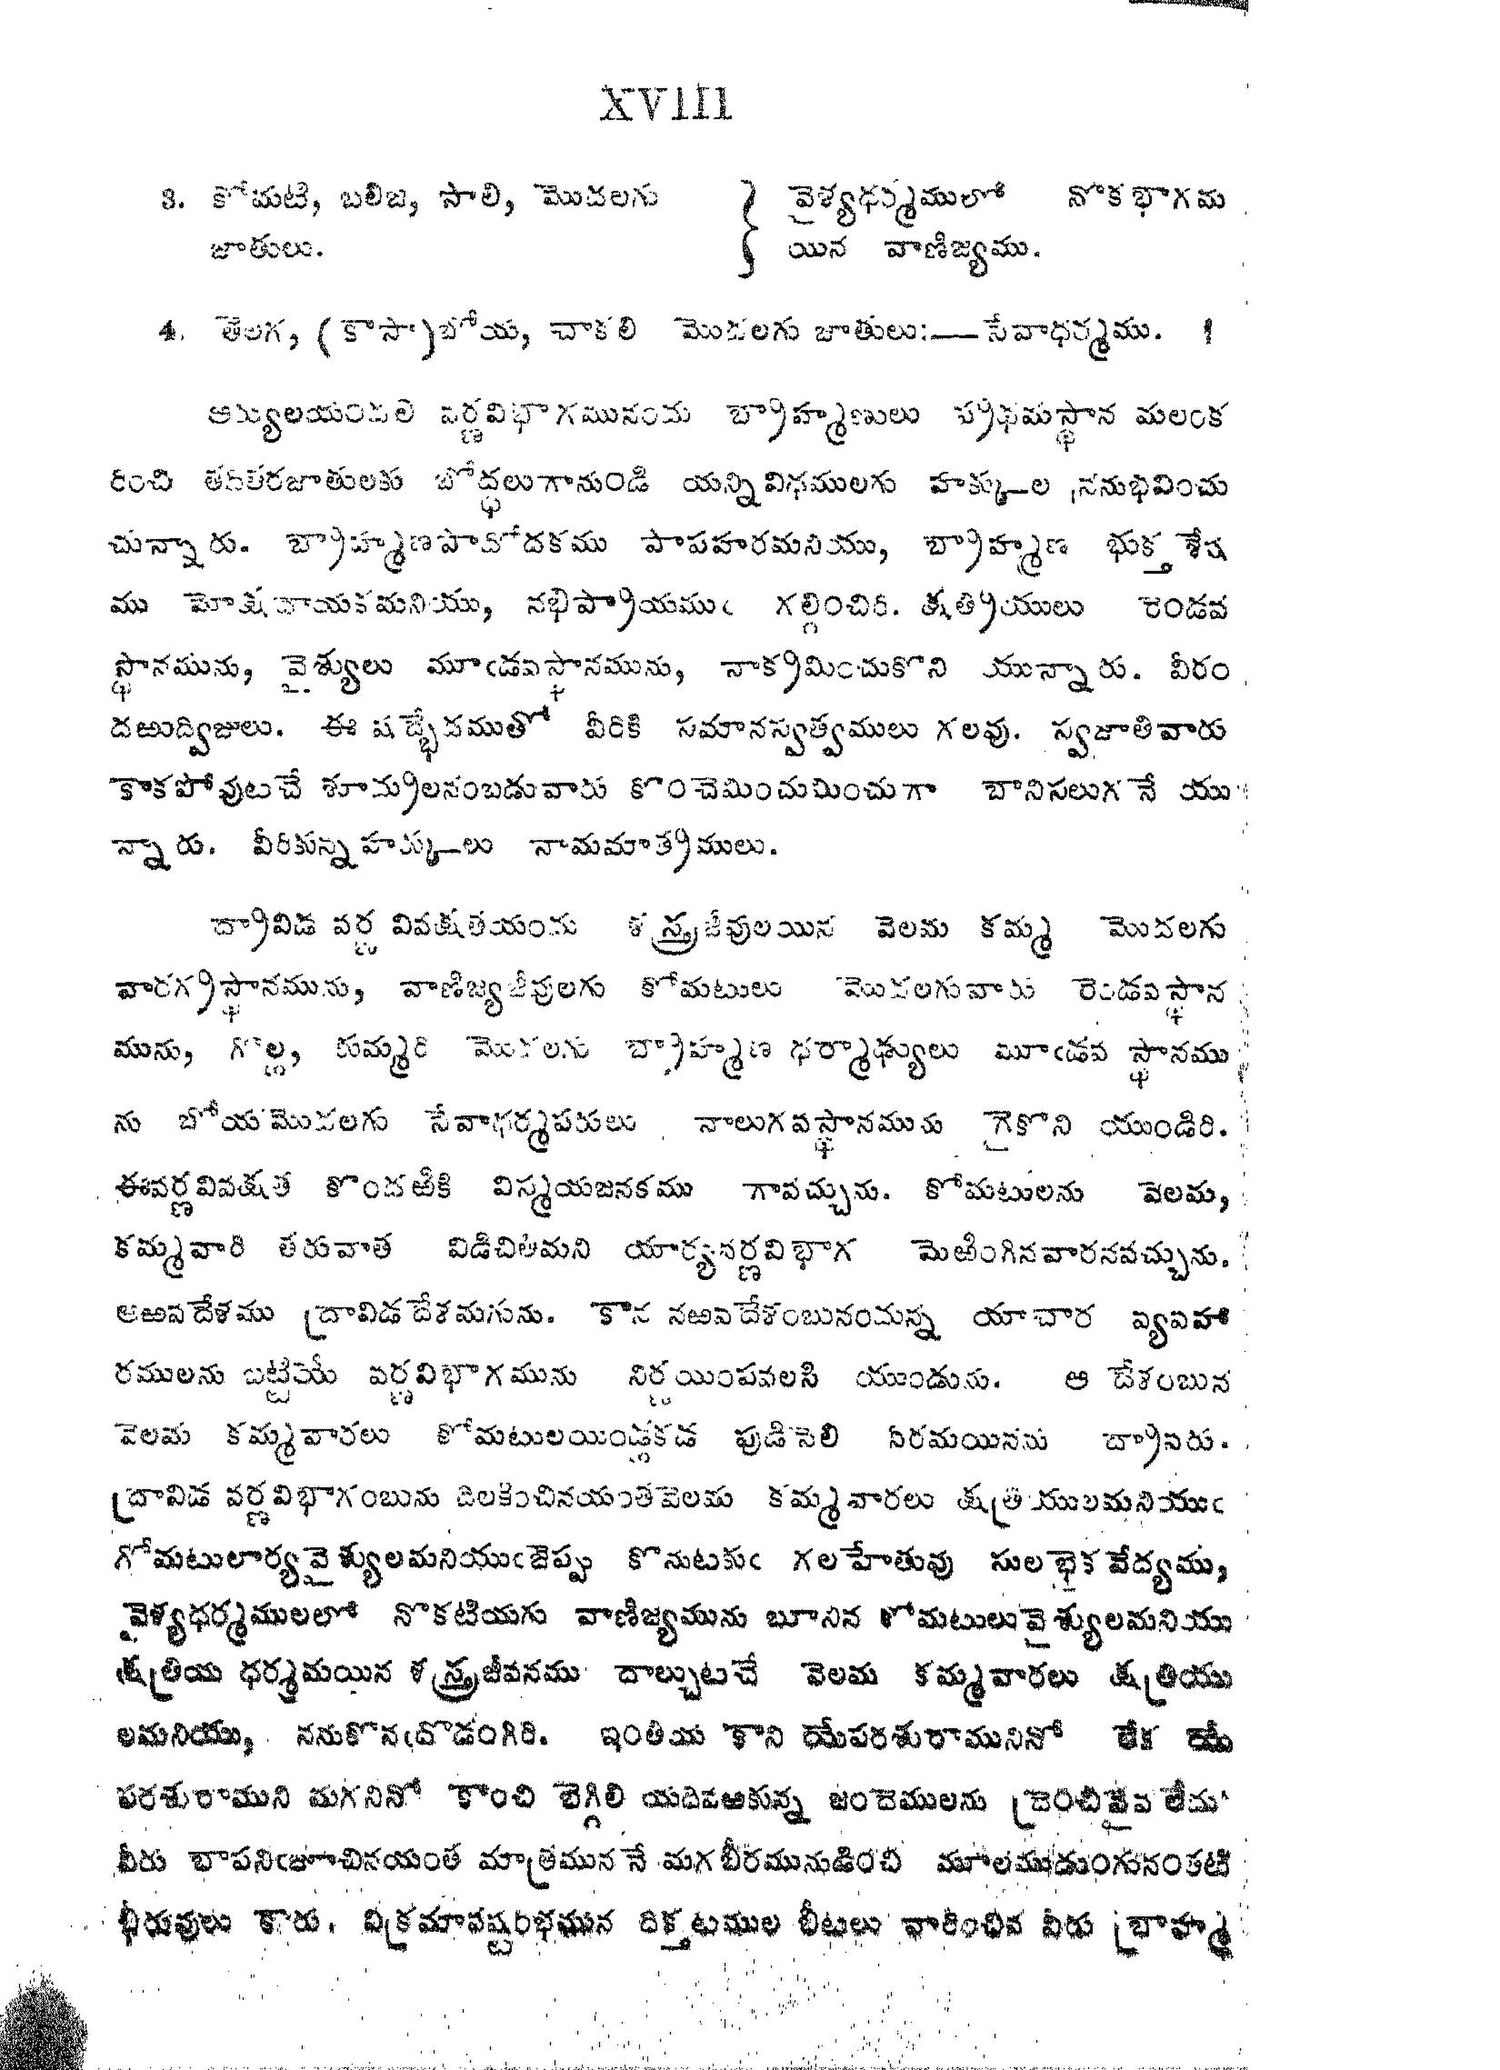3. కోమటి, బలిజ, సాకలి, వెశ్వధర్మములో
మొదలగు జాతులు. నొక భాగమయిన
 వాణిజ్యము

4. తెలగ ( కొసా) బోయ, 
చాకలి మొకులగు జాతులు: ! ....................సేవాధర్మము 

అంర్యులయందలి వర్ణవిభాగముసందు బ్రాహ్మణులు ప్రథమ స్థాన మలంక
రించిరి తదితర జాతులకు బోద్ధలుగా నుండి యన్ని విధములగు హక్కుల సనుభవించు
చున్నారు. బాహ్మణ పాదోదదకము పాపహరమనియు, బ్రాహ్మణ భుక్త శేష
ము మోక్ష దాయకమనియు, నభిప్రాయముఁ గల్గించిరి. క్షత్రియులు 'రెండవ
స్థానమును, వైశ్యులు మూఁడవ స్థానమును, నాక్రమించుకొని యున్నారు. వీరం .
దఱు ద్విజులు. ఈ షడ్బేదముతో వీరికి సమానస్వత్వములు గలవు. స్వజాతి వారు
కాకపోవుటచే శూద్రులనంబడువారు కొంచెమించుమించుగా బానిసలుగనే యు
న్నారు. వీరికున్న హక్కులు నామమాత్రములు.

ద్రావిడ వర్ణ వివక్షతయందు శస్త్రజీవులయిన వెలమ కమ్మ మొదలగు
వారగా స్థానమును, వాణిజ్య జీవులగు కోమటులు మొదలగు వారు రెండవ స్థాన
ముసు, గొల్ల, కుమ్మరి మొదలగు బ్రాహ్మణ ధర్మాడ్యులు మూఁడవ స్థానము
ను బోయ మొదలగు సేవాధర్మపరులు , నాలుగవ స్థానమును గైకొని యుండిరి.
ఈవర్ణ వివక్షత కొందఱికి విస్మయజనకము గావచ్చును. కోమటులను వెలమ,
కమ్మ వారి తర్వాత విడిచితిమని యార్యవర్ణవిభాగ మెఱింగిన వారనవచ్చును.
ఆఱవ దేశము ద్రావిడ దేశమగును. కాన నరవ దేశంబునంచున్న యాచార వ్యవహా
రములను బట్టియే వర్జవిభాగమును నిర్ణయింపవలసి యుండును.ఆ దేశంబున
వెలమ కమ్మ వారలు కోమటుల యిండ్లకడ పుడిసెలి నీరమయినను ద్రావరు . .
ద్రావిడ వర్ణ విభాగంబును దిలకించినయంత వెలమ కమ్మ వారలు క్షత్రియులమనియుఁ
గోమటులార్య వైశ్యులమనియుఁ జెప్పు కొనుటకుఁ గల హేతువు సులభైక వేద్యము,
వైశ్యధర్మములలో నొకటియగు వాణిజ్యమును బూనిన కోమటులు వైశ్యులమనియు
క్షత్రియ ధర్మమయిన శస్త్ర జీవనము దాల్చుటచే వెలమ కమ్మ వారలు క్షత్రియు
లమనియు , ననుకొనదొడంగిరి. ఇంతీయ కాని యేపరశురామునినో లేక యే
పరశురాముని మగనినో కాంచి బెగ్గిలి యదివఱకున్న జందెములను ద్రెంచివైవలేదు.
వీరు బాపని జూచినయంత మాత్రముననే మగబీరమునుడించి మూలముడుంగునంతటి 
భీరువులు కారు. విక్రమావష్టంభమున దిక్తటముల బీటలు వారించిన వీరు బ్రహ్మ